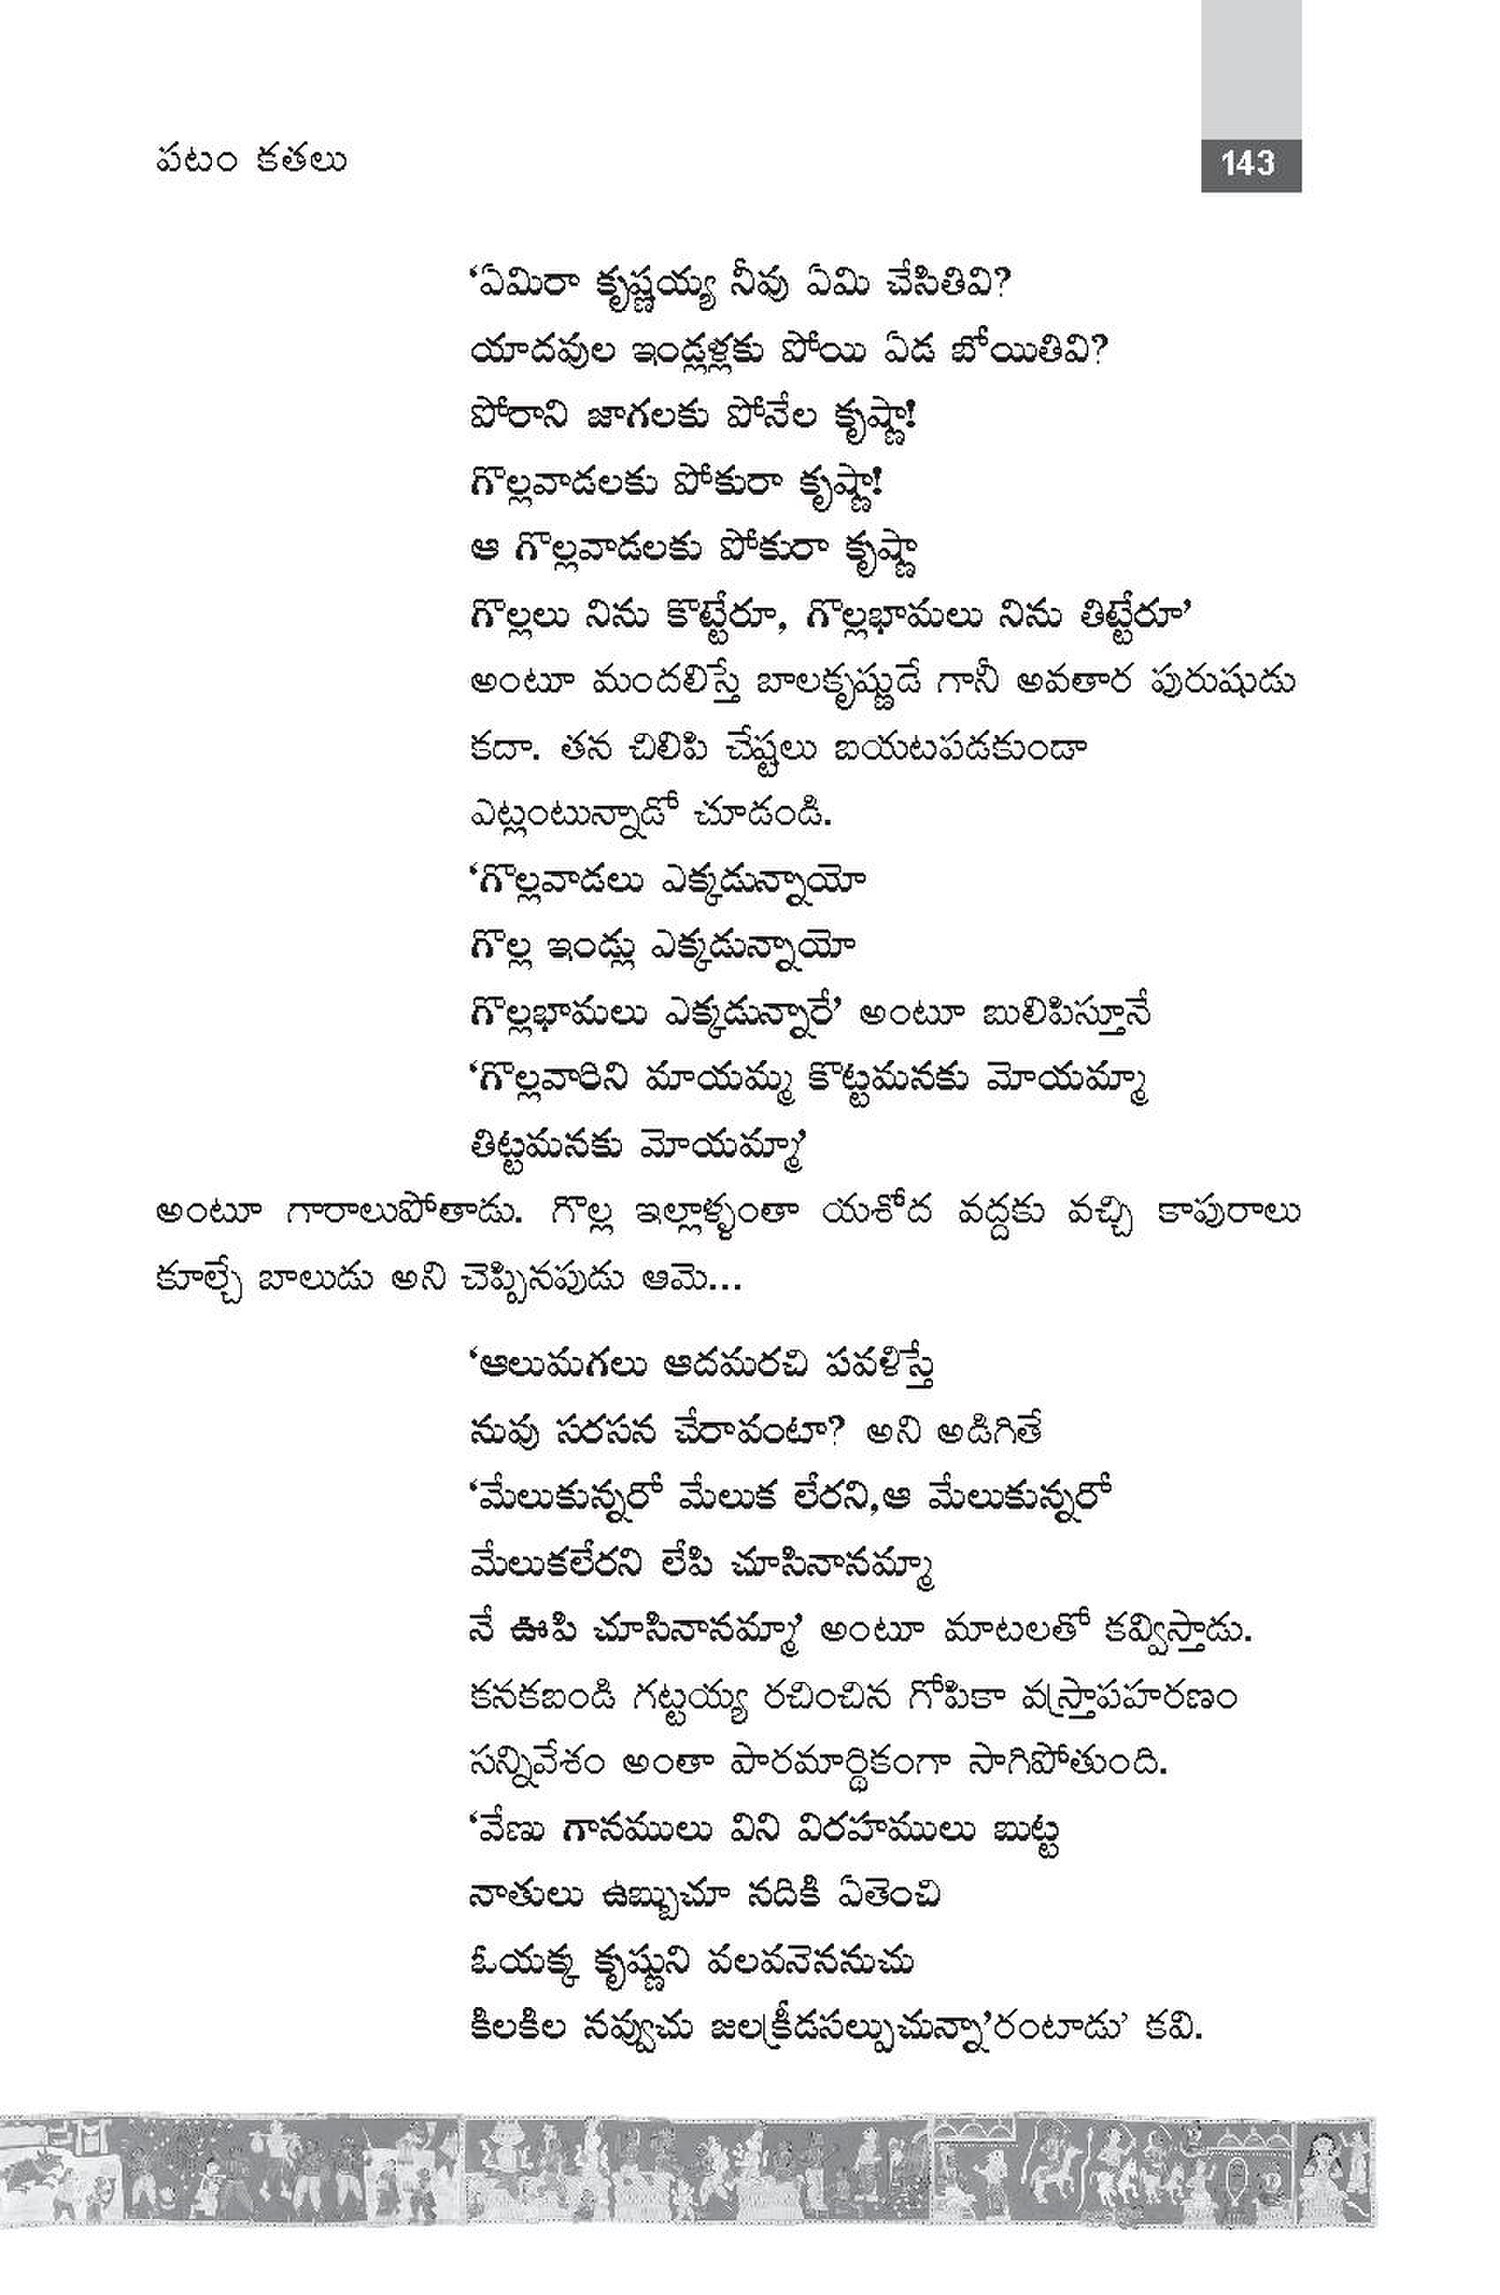'ఏమిరా కృష్ణయ్య నీవు ఏమి చేసితివి?
యాదవుల ఇండ్లళ్లకు పోయి ఏడ బోయితివి?
పోరాని జాగలకు పోనేల కృష్ణా!
గొల్లవాడలకు పోకురా కృష్ణా!
ఆ గొల్లవాదలకు పోకురా కృష్ణా
గొల్లలు నిను కొట్టేరూ, గొల్లభామలు నిను తిట్టేరూ'
అంటూ మందలిస్తే బాలకృష్ణుడే గానీ అవతార పురుషుడు 
కదా. తన చిలిపి చేష్టలు బయటపడకుండా 
ఎట్లంటున్నాదో చూడండి.
'గొల్లవాదలు ఎక్కడున్నాయో
గొల్ల ఇండ్లు ఎక్కడున్నాయో
గొల్లభామలు ఎక్కడున్నారే' అంటూ బులిపిస్తూనే
'గొల్లవారిని మాయమ్మ కొట్టమనకు మోయమ్మా
తిట్టమనకు మోయమ్మా'

అంటూ గారాలుపోతాడు. గొల్ల ఇల్లాళ్ళంతా యశోద వద్దకు వచ్చి కాపురాలు కూల్చే బాలుడు అని చెప్పినపుడు ఆమె...

'ఆలుమగలు ఆదమరచి పవళిస్తే
నువు సరసన చేరావంటా? అని అడిగితే
'మేలుకున్నరో మేలుక లేరని, ఆ మేలుకున్నరో
మేలుకలేరని లేపి చూసినానమ్మా
నే ఊపి చూసినానమ్మా' అంటూ మాటలతో కవ్విస్తాడు.
కనకబండి గట్టయ్య రచించిన గోపికా వస్త్రాపహరణం
సన్నివేశం అంతా పారమార్థికంగా సాగిపోతుంది.
'వేణు గానములు విని విరహములు బుట్ట
నాతులు ఉబ్బుచూ నదికి ఏతెంచి
ఓయక్క కృష్ణుని వలవనెననుచు
కిలకిల నవ్వుచు జలక్రీడసల్పుచున్నా'రంటాడు' కవి.